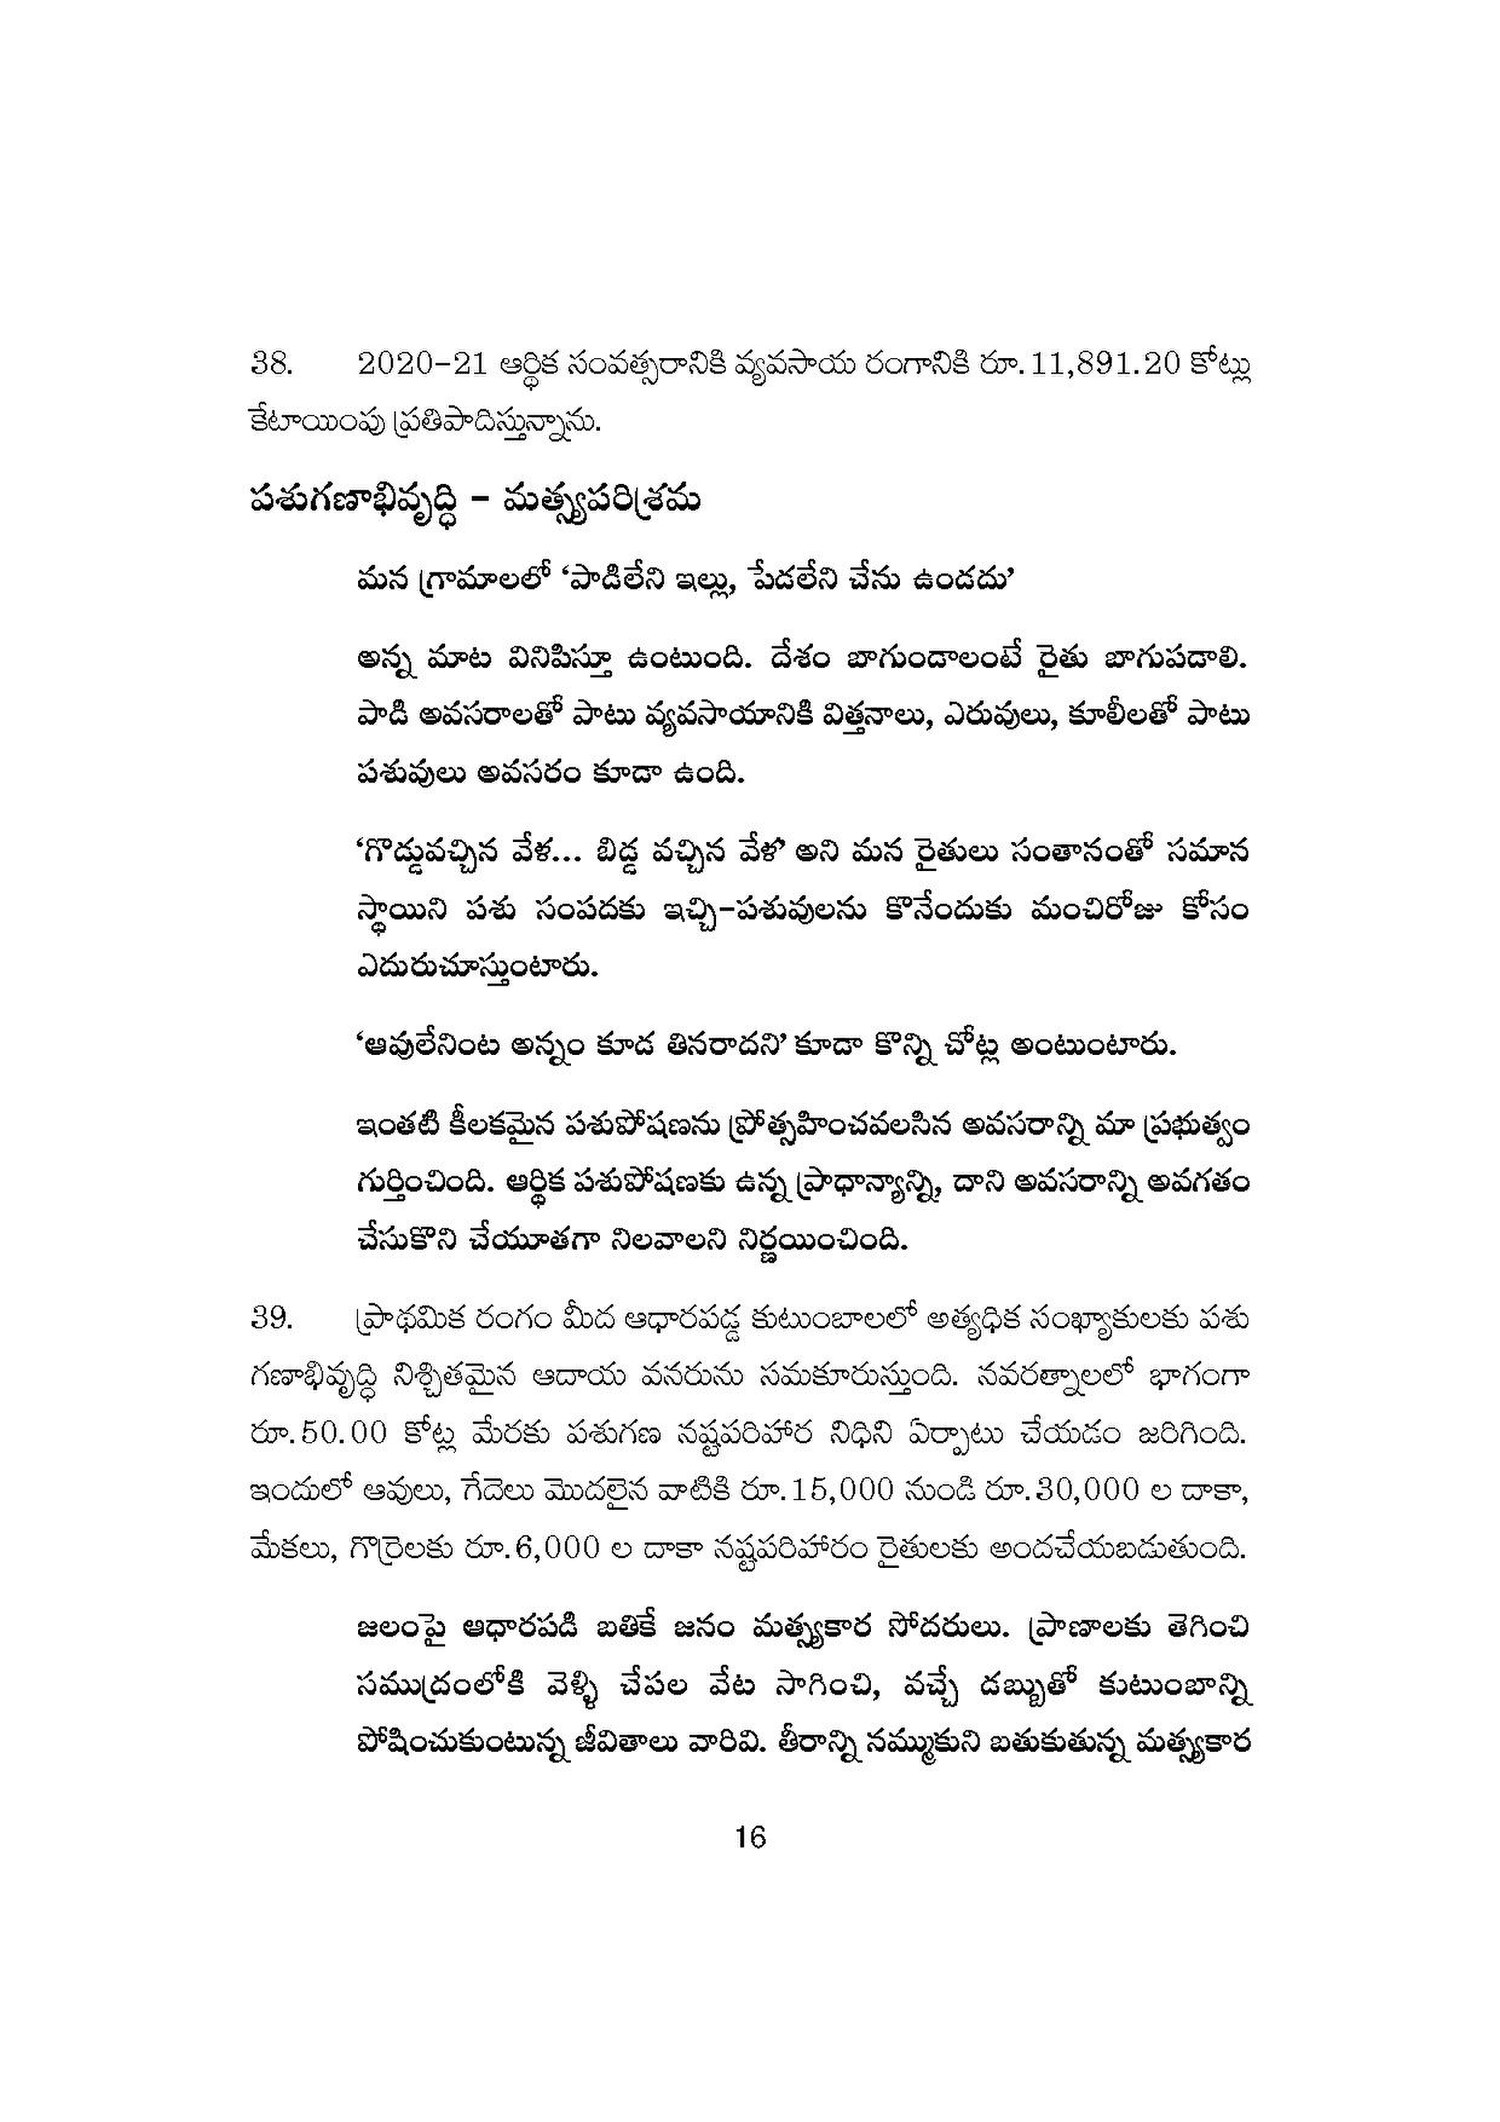38. 2020-21 ఆర్థిక సంవత్సరానికి వ్యవసాయ రంగానికి రూ.11,891.20 కోట్లు కేటాయింపు ప్రతిపాదిస్తున్నాను. 

పశుగణాభివృద్ధి - మత్స్య పరిశ్రమ

మన గ్రామాలలో 'పాడిలేని ఇల్లు, పేడలేని చేను ఉండదు' 

అన్న మాట వినిపిస్తూ ఉంటుంది. దేశం బాగుండాలంటే రైతు బాగుపడాలి. పాడి అవసరాలతో పాటు వ్యవసాయానికి విత్తనాలు, ఎరువులు, కూలీలతో పాటు పశువులు అవసరం కూడా ఉంది.

‘గొడ్డువచ్చిన వేళ... బిడ్డ వచ్చిన వేళ' అని మన రైతులు సంతానంతో సమాన స్థాయిని పశు సంపదకు ఇచ్చి-పశువులను కొనేందుకు మంచిరోజు కోసం ఎదురుచూస్తుంటారు.

'ఆవులేనింట అన్నం కూడ తినరాదని' కూడా కొన్ని చోట్ల అంటుంటారు. 

ఇంతటి కీలకమైన పశుపోషణను ప్రోత్సహించవలసిన అవసరాన్ని మా ప్రభుత్వం గుర్తించింది. ఆర్థిక పశుపోషణకు ఉన్న ప్రాధాన్యాన్ని, దాని అవసరాన్ని అవగతం చేసుకొని చేయూతగా నిలవాలని నిర్ణయించింది.  

39. ప్రాథమిక రంగం మీద ఆధారపడ్డ కుటుంబాలలో అత్యధిక సంఖ్యాకులకు పశు గణాభివృద్ధి నిశ్చితమైన ఆదాయ వనరును సమకూరుస్తుంది. నవరత్నాలలో భాగంగా రూ. 50.00 కోట్ల మేరకు పశుగణ నష్టపరిహార నిధిని ఏర్పాటు చేయడం జరిగింది. ఇందులో ఆవులు, గేదెలు మొదలైన వాటికి రూ.15,000 నుండి రూ.30,000 ల దాకా, మేకలు, గొర్రెలకు రూ. 6,000 ల దాకా నష్టపరిహారం రైతులకు అందచేయబడుతుంది. 

జలంపై ఆధారపడి బతికే జనం మత్స్యకార సోదరులు. ప్రాణాలకు తెగించి సముద్రంలోకి వెళ్ళి చేపల వేట సాగించి, వచ్చే డబ్బుతో కుటుంబాన్ని పోషించుకుంటున్న జీవితాలు వారివి. తీరాన్ని నమ్ముకుని బతుకుతున్న మత్స్యకార